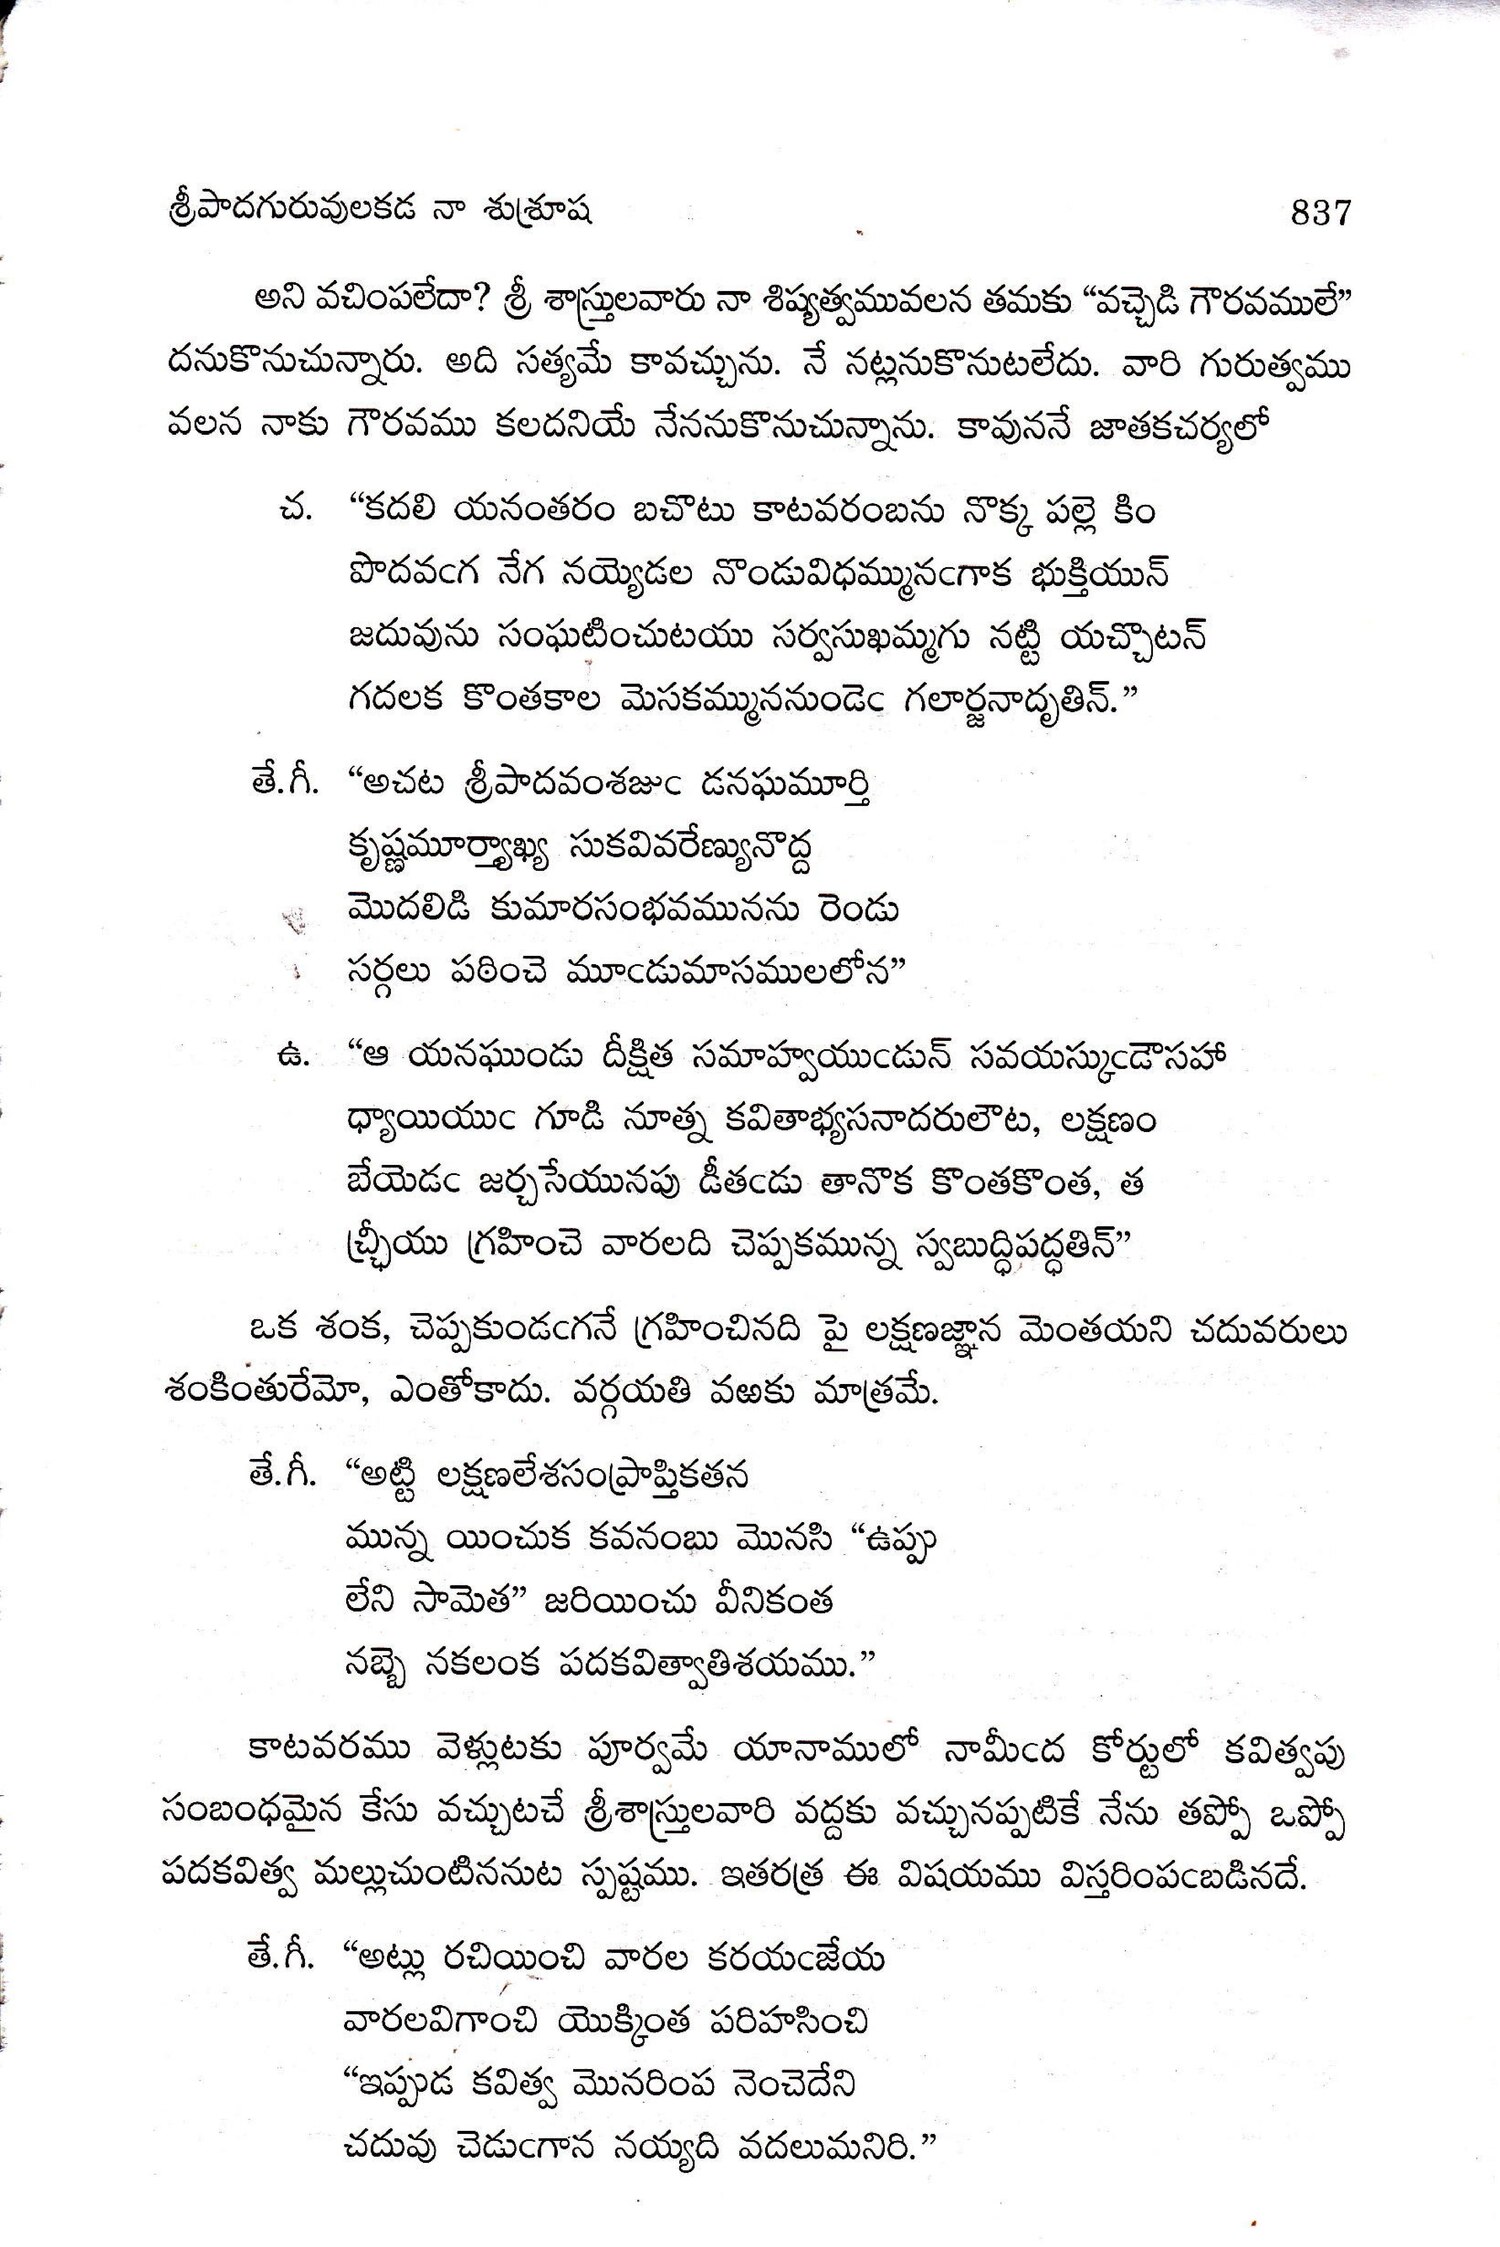అని వచింపలేదా? శ్రీ శాస్త్రులవారు నా శిష్యత్వమువలన తమకు "వచ్చెడి గౌరవములే” దనుకొనుచున్నారు. అది సత్యమే కావచ్చును. నే నట్లనుకొనుటలేదు. వారి గురుత్వము వలన నాకు గౌరవము కలదనియే నేననుకొనుచున్నాను. కావుననే జాతకచర్యలో

చ. "కదలి యనంతరం బచొటు కాటవరంబను నొక్క పల్లె కిం
 పొదవఁగ నేగ నయ్యెడల నొండువిధమ్మునఁగాక భుక్తియున్ 
 జదువును సంఘటించుటయు సర్వసుఖమ్మగు నట్టి యచ్చోటన్ 
 గదలక కొంతకాల మెసకమ్ముననుండెఁ గలార్జనాదృతిన్."

తే.గీ. “అచట శ్రీపాదవంశజుఁ డనఘమూర్తి
 కృష్ణమూర్త్యాఖ్య సుకవివరేణ్యునొద్ద 
 మొదలిడి కుమారసంభవమునను రెండు 
 సర్గలు పఠించె మూఁడుమాసములలోన”

ఉ. “ఆ యనఘుండు దీక్షిత సమాహ్వయుఁడున్ సవయస్కుండౌసహా 
 ధ్యాయియుఁ గూడి నూత్న కవితాభ్యసనాదరులౌట, లక్షణం 
 బేయెడఁ జర్చసేయునపు డీతఁడు తానొక కొంతకొంత, త 
 చ్ఛ్రీయు గ్రహించె వారలది చెప్పకమున్న స్వబుద్ధిపద్ధతిన్"
ఒక శంక, చెప్పకుండఁగనే గ్రహించినది పై లక్షణజ్ఞాన మెంతయని చదువరులు శంకింతురేమో, ఎంతోకాదు. వర్గయతి వఱకు మాత్రమే.

తే.గీ. “అట్టి లక్షణలేశసంప్రాప్తికతన
 మున్న యించుక కవనంబు మొనసి "ఉప్పు 
 లేని సామెత" జరియించు వీనికంత 
 నబ్బె నకలంక పదకవిత్వాతిశయము.”
కాటవరము వెళ్లుటకు పూర్వమే యానాములో నామీఁద కోర్టులో కవిత్వపు సంబంధమైన కేసు వచ్చుటచే శ్రీశాస్త్రులవారి వద్దకు వచ్చునప్పటికే నేను తప్పో ఒప్పో పదకవిత్వ మల్లుచుంటిననుట స్పష్టము. ఇతరత్ర ఈ విషయము విస్తరింపఁబడినదే.

తే.గీ. "అట్లు రచియించి వారల కరయఁజేయ
 వారలవిగాంచి యొక్కింత పరిహసించి 
 "ఇప్పుడ కవిత్వ మొనరింప నెంచెదేని 
 చదువు చెడుఁగాన నయ్యది వదలుమనిరి."